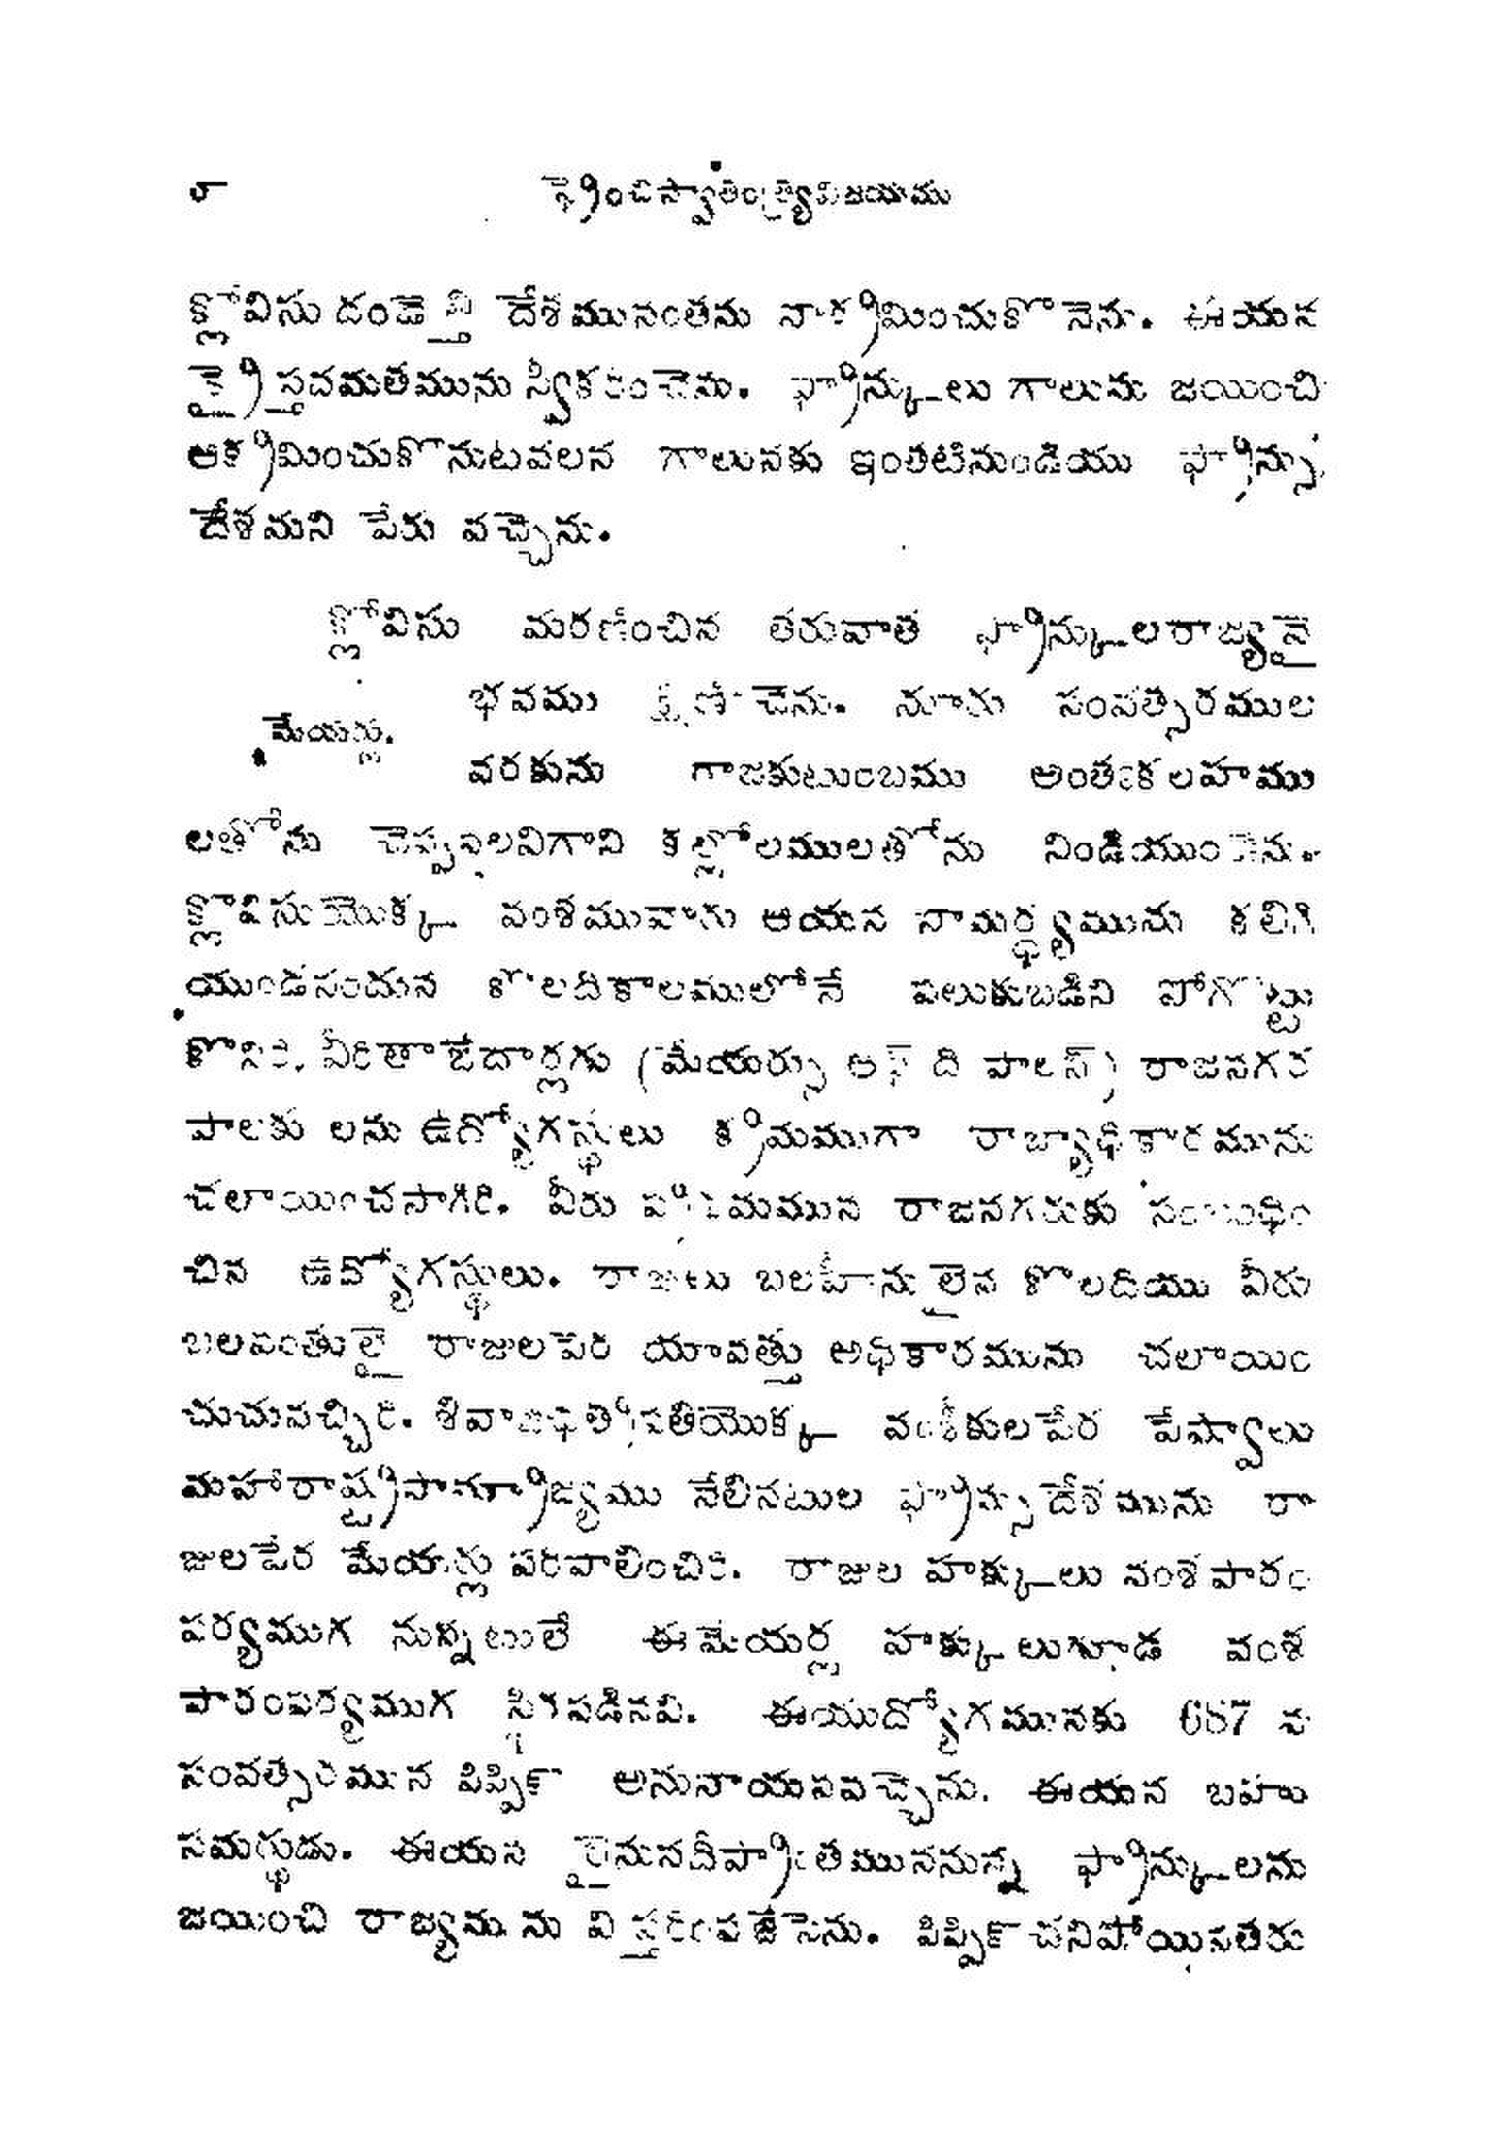క్లోవిసు దండెత్తి దేశము సంతను నాక్రమించుకొనెను. ఈయన
క్రైస్తవమతమును స్వీకరించెను. ఫాన్కులు గాలును జయించి
ఆక్రమించుకొనుటవలన గాలునకు ఇంతటినుండియు ప్రాస్సు,
దేశమని పేరు వచ్చెను.

మరణించిన తరువాత సాన్కుల రాజ్యవై
భవము .క్షీణించెను. నూరు సంపత్సరముల వరకును
రాజకుటుంబము అంతఃకలహములతోను చెప్పవలనిగాని కల్లోలములతోను నిండియుండెను..
క్లోవిసు యొక్క వంశమువారు ఆయన సామర్ధ్యమును కలిగి
యుండినందున కొలది కాలములోనే పలుకుబడిని పోగొట్టుకొనిరి.
వీరి తాబేదార్లగు మేయుర్సు ఆప్ ది పాలస్, రాజసగర
పాలకులను ఉగ్యోగస్థలు క్రమముగా రాజ్యాధికారమును
చలాయించసాగిరి. వీరి ప్రమేయమున రాజనగరుకు 'సంబందించిన
ఉద్యోగస్తులు. రాజులు బలహీను లైన కొలదియు వీరు
బలపంతులై రాజుల పేర యావత్తు ఆధకారమును చలాయిం
చుచువచ్చిరి. శివాజి చత్రపతి యొక్కవంశీకుల పేర
పేష్వాలు మహారాష్ట్ర సామ్రాజ్యము నేలినటుల ఫ్రాన్సు దేశమును
రాజుల పేర మేయర్లు పరిపాలించిరి. రాజుల హక్కులు వంశ పారం
పర్యముగ నున్నటులే ఈ మేయర్ల హక్కు లుగూడ వంశ
పారంపర్యముగ స్థిరపడినవి. ఈ యుద్యోగమునకు 687 వ
సంవత్సరమున పిప్పిన్ అనునాయన వచ్చెను. ఈయన బహు
సమర్థుడు. ఈయన రైను నదీ ప్రాంతముననున్న ఫ్రాన్కులను
జయించి రాజ్యమును విస్తరింపజేసెను. పిప్పిన్ చనిపోయిన తరు